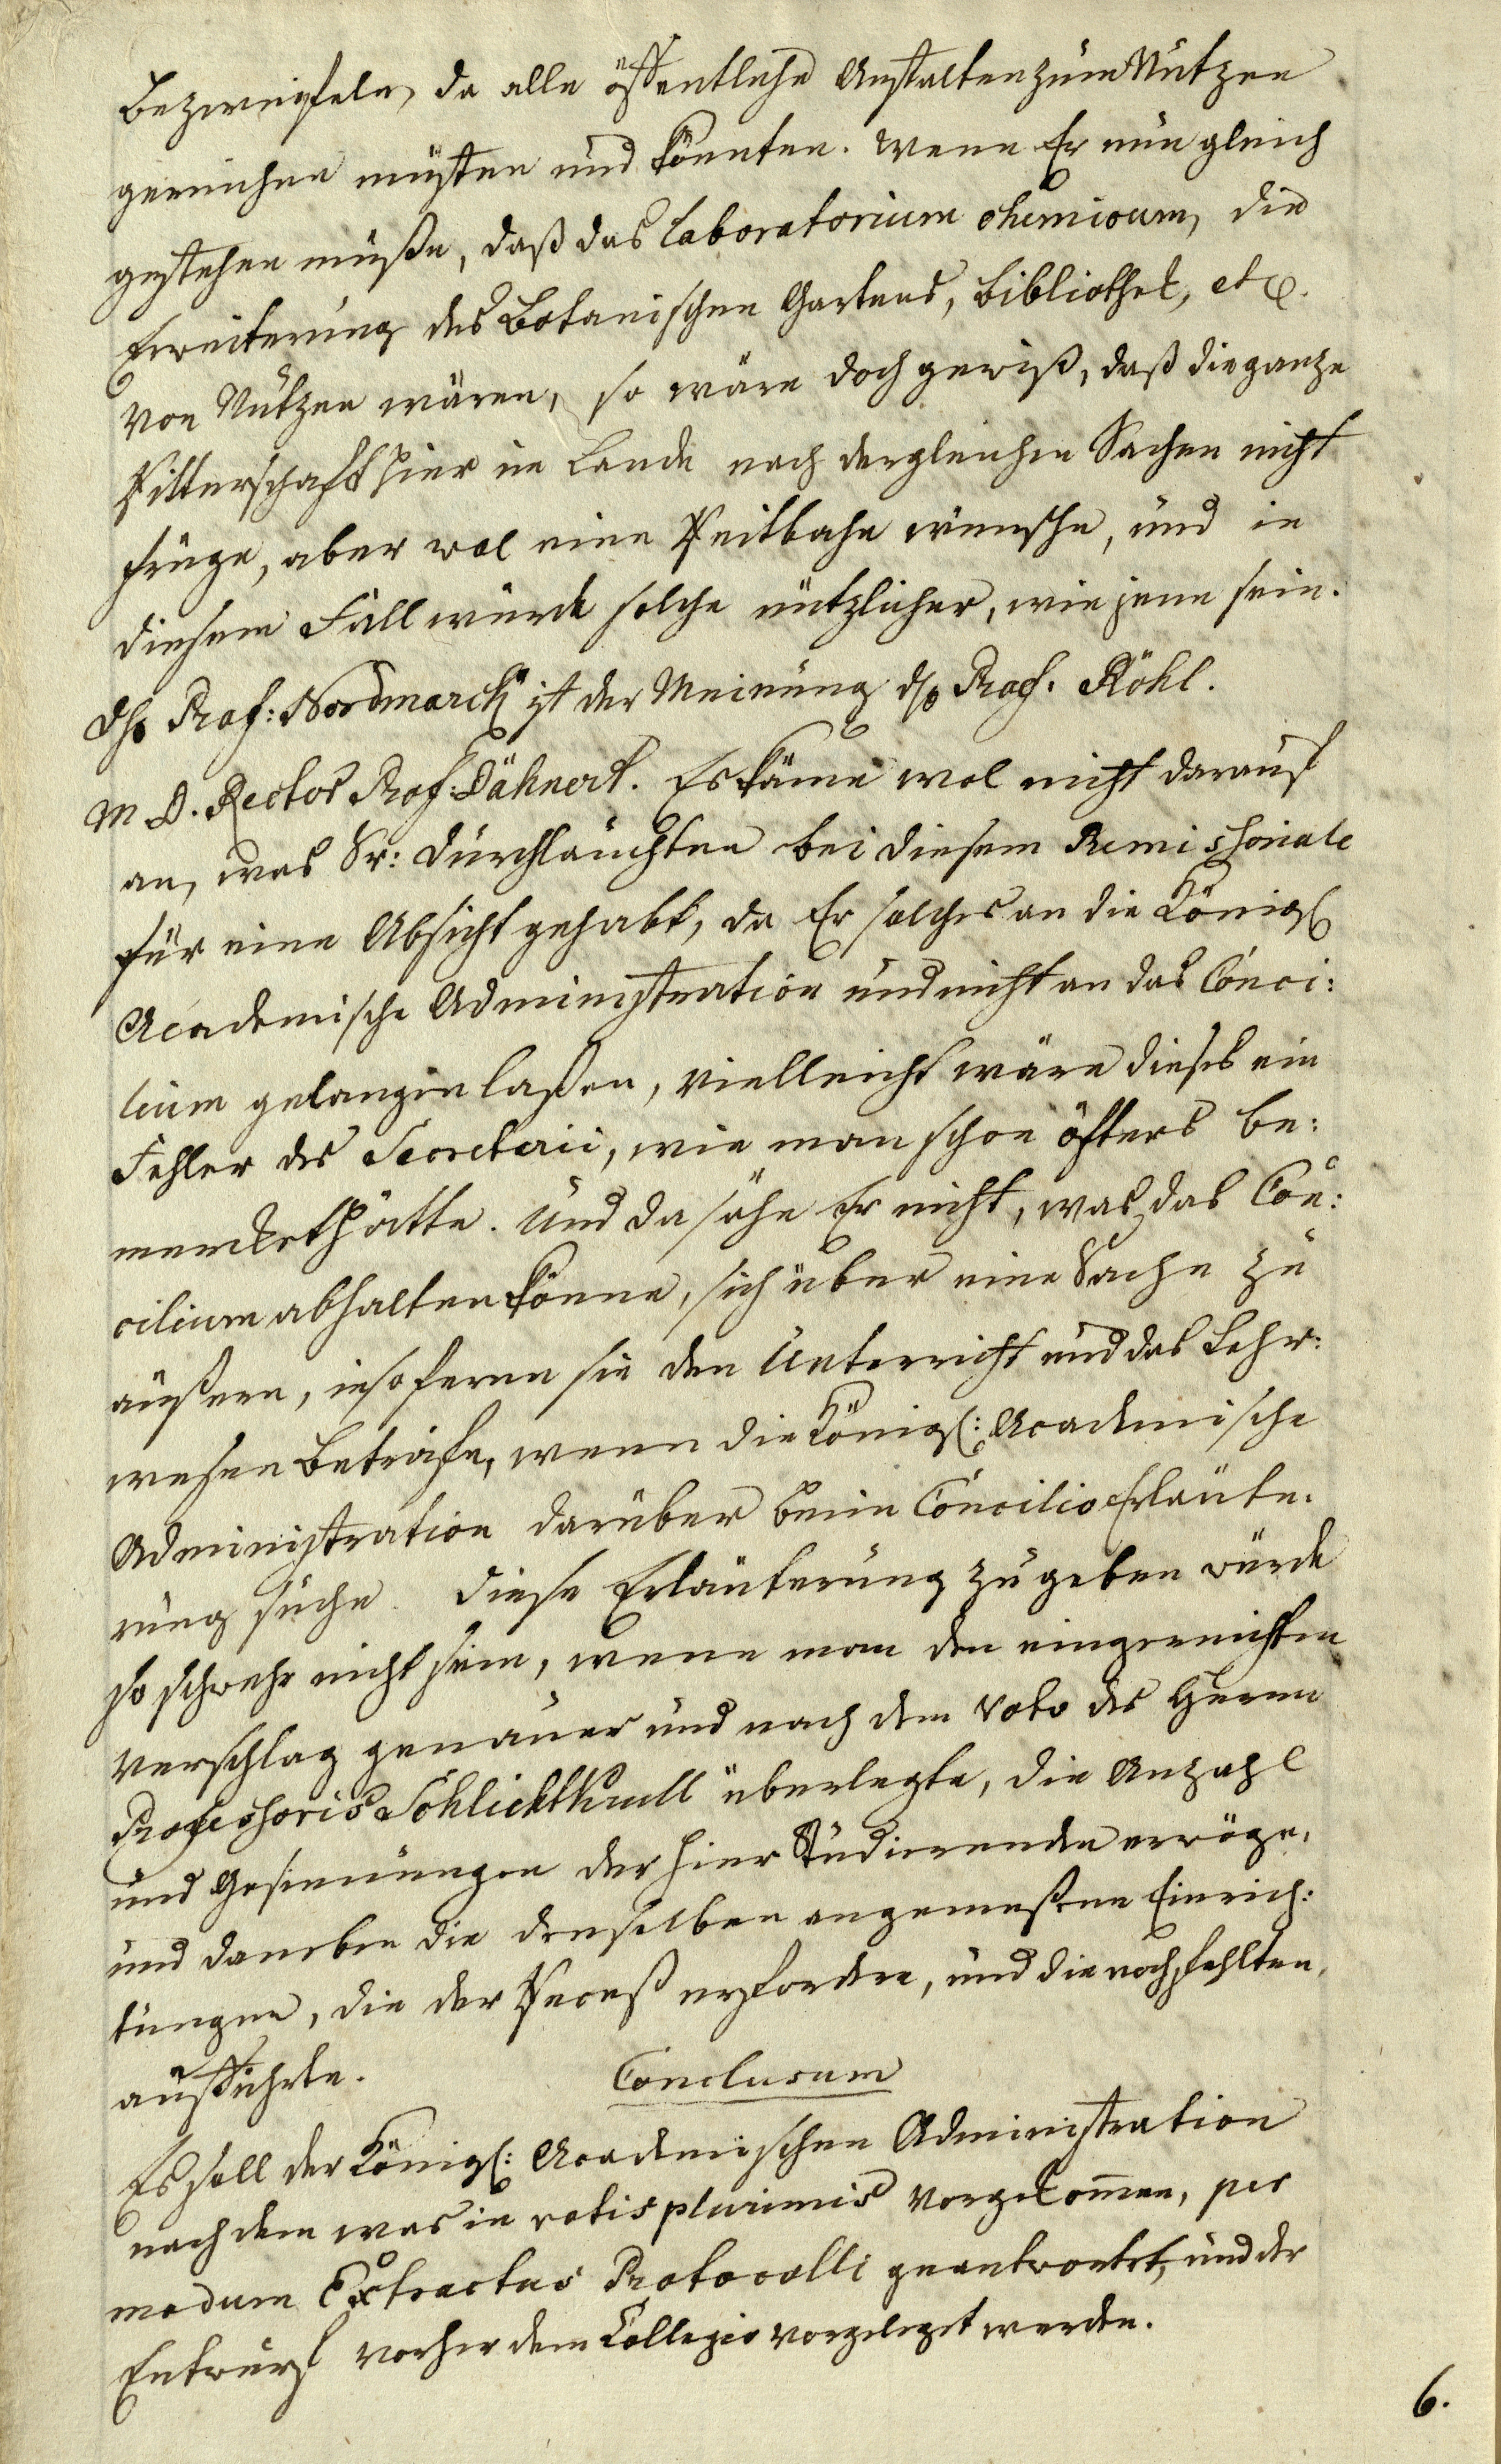bezweifeln, da alle öffentliche Anstalten zum Nutzen
gereichen müsten und könnten. Wenn er nun gleich
gestehen müße, daß das laboratorium chemicum, die
Erweiterung des Botanischen Gartens, Bibliothek, etc.
von Nutzen wären, so wäre doch gewiß, daß die ganze
Ritterschaft hier im Lande nach dergleichen Sachen
früge, aber wol eine Reitbahn wünsche, und in
diesem Fall würde solche nützlicher, wie jene sein.
dh Prof. Nordmarck ist der Meinung dh Prof. Röhl.
M. D. Rector Prof. Dähnert. Es käme wol nicht darauf
an, was Sr. Durchlauchten bei diesem Remissoriale
für eine Absicht gehabt, da Er solches an die Königl.
Academische Administration und nicht an das Conci¬
lium gelangen laßen, vielleicht wäre dieses ein
Fehler des Secretarii, wie man schon öfters be¬
mercket hätte. Und da sähe Er nicht, was das Con¬
cilium abhalten könne, sich über eine Sache zu
äußern, insoferne sie den Unterricht und das Lehr¬
wesen beträfe, wenn die Königl. Academische
Administration darüber beim Concilio Erläute¬
rung suche. Diese Erläuterung zu geben würde
so schwehr nicht sein, wenn man den eingereichten
Verschlag genauer und nach dem voto des Herrn
Professoris Schlichtkrull überlegte, die Anzahl
und Gesinnungen der hier Studierenden erwöge,
und daneben die denselben angemeßene Einrich¬
tungen, die der Receß erfordere, und die noch fehlten,
aufführte. Conclusum
Es soll der Königl. Academischen Administration
nach dem was in votis plurimis vorgekomen, per
modum Extractus Protocolli geantwortet, und der
Entwurf vorher dem Collegio vorgeleget werden.